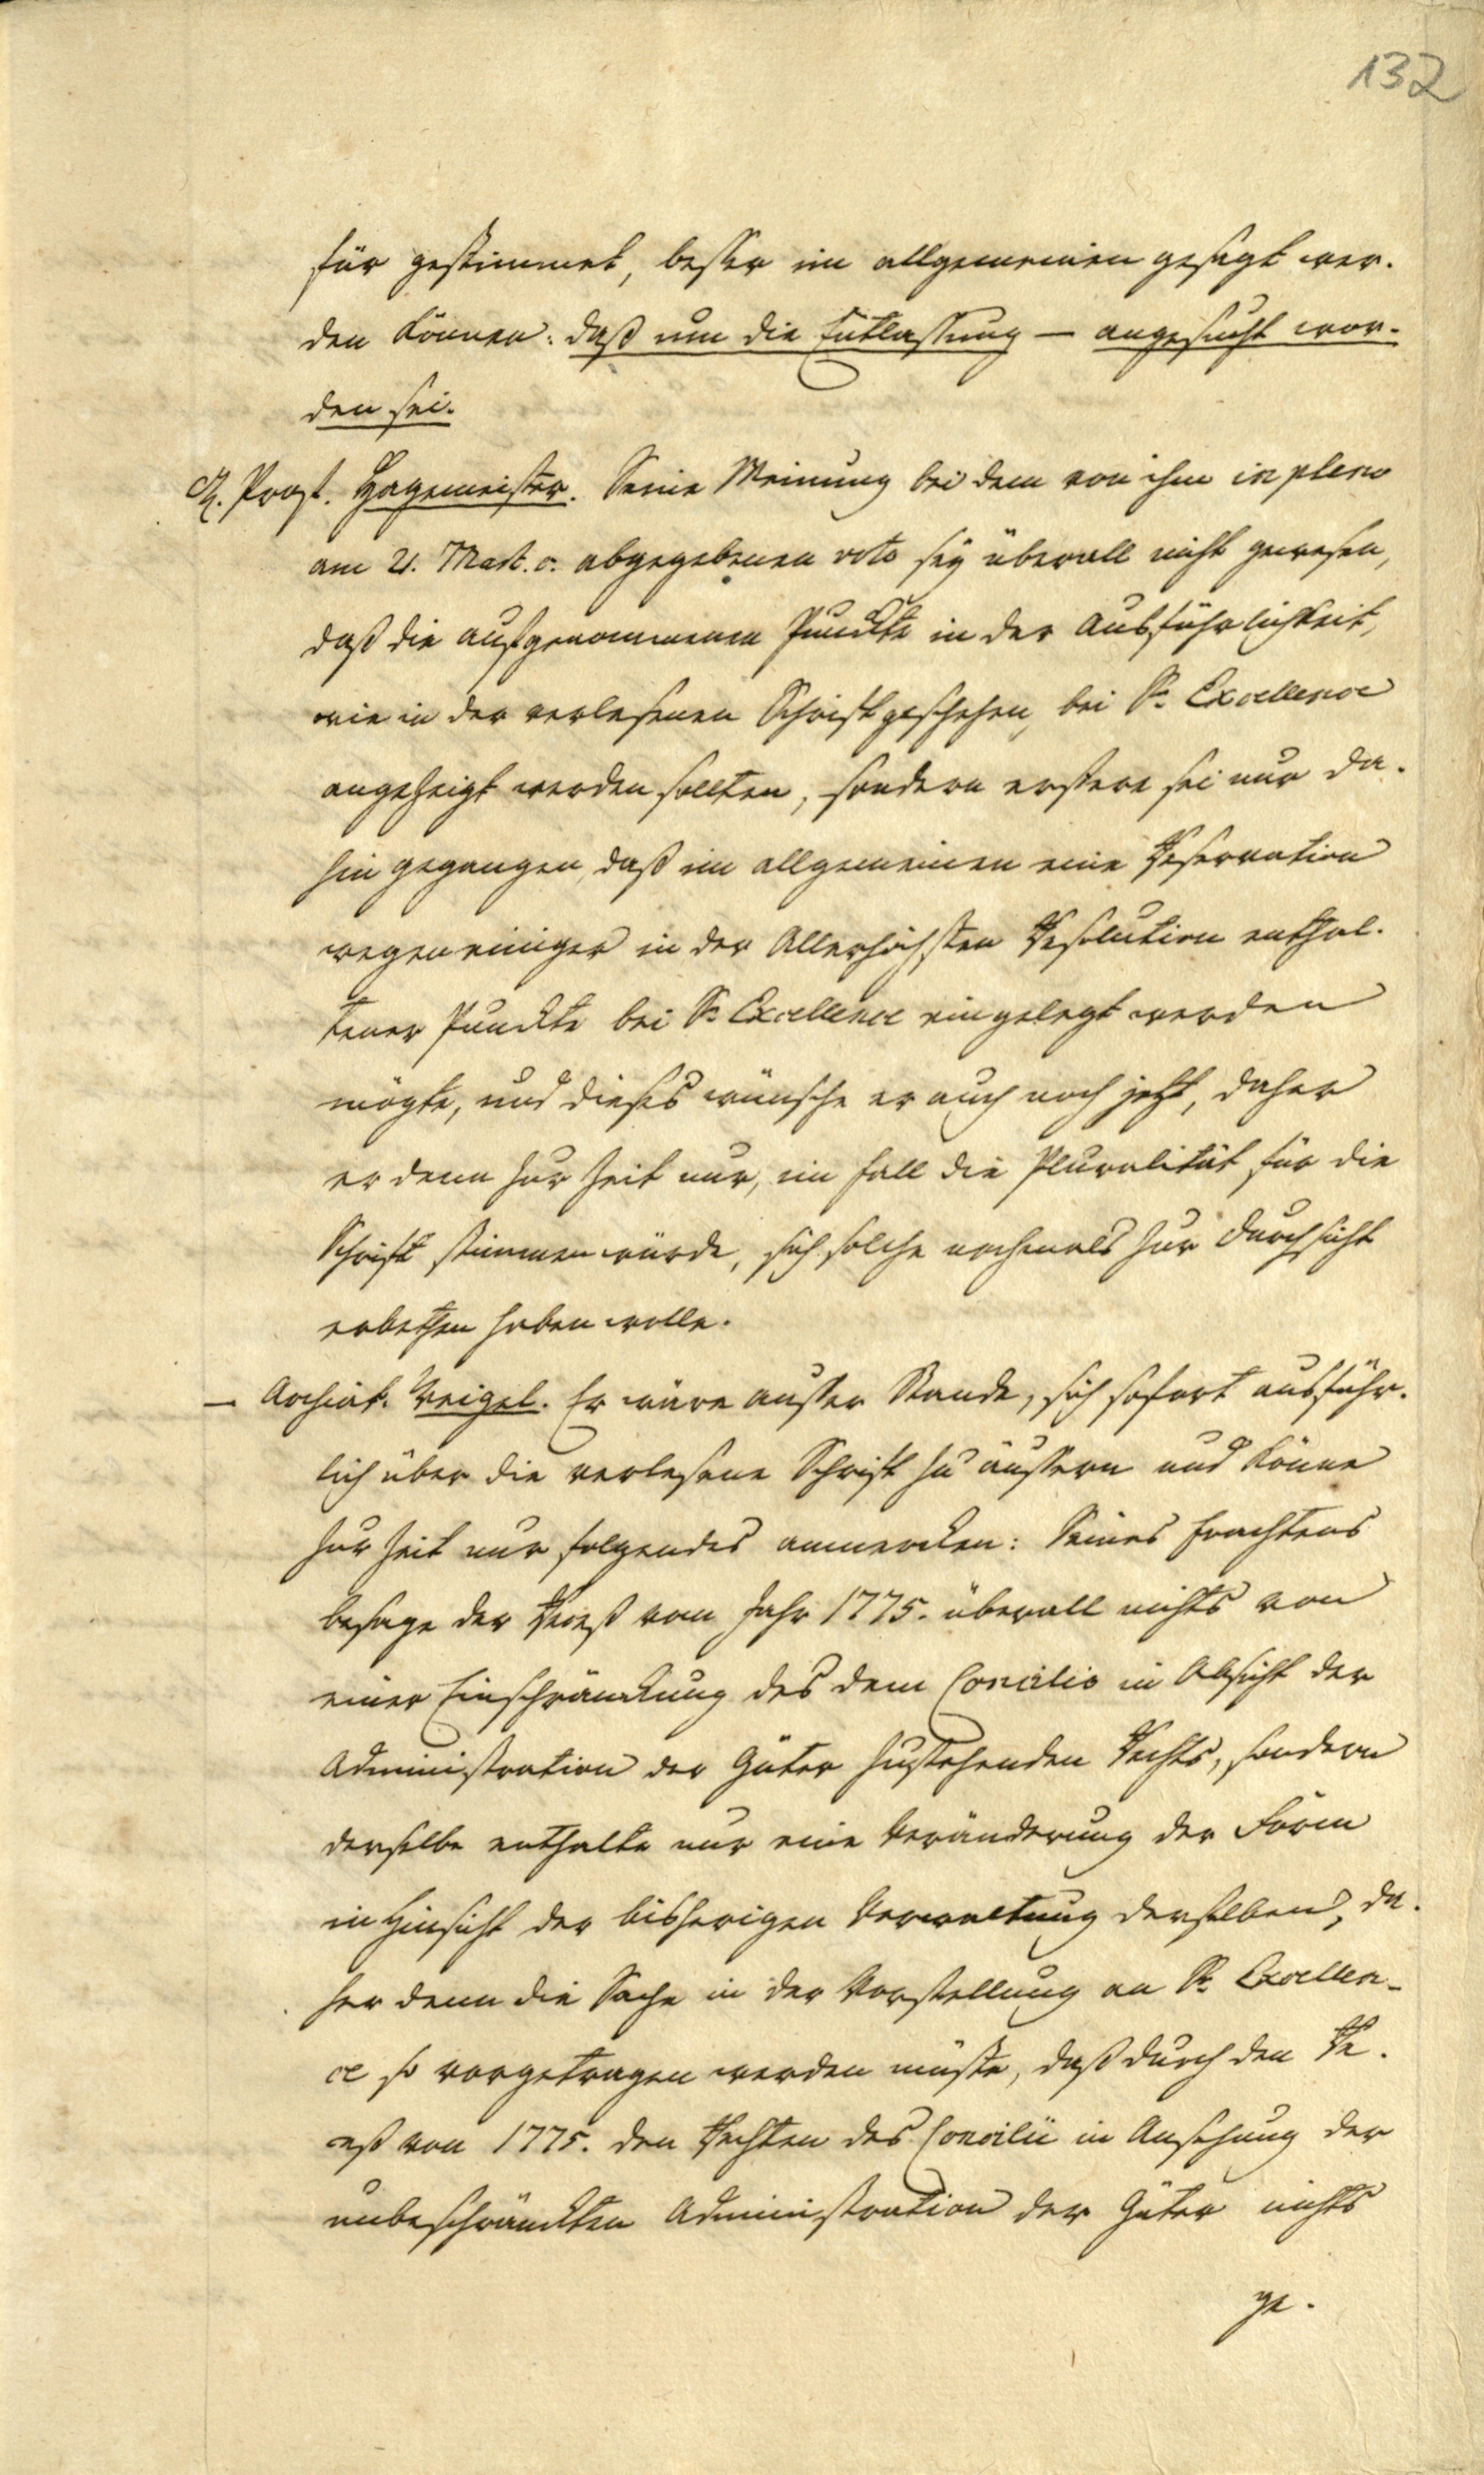für gestimmet, besser im allgemeinen gesagt wer¬
den können: daß um die Entlassung - angesucht wor¬
den sei.
dh. Prof. Hagemeister. Seine Meinung bei dem von ihm in pleno
am 21. Mart. c. abgegebenen voto seÿ überall nicht gewesen,
daß die aufgenommenen Punckte in der Ausführlichkeit,
wie in der verlesenen Schrift geschehen bei Sr. Excellence
angezeigt werden sollten, sondern erstere sei nur da¬
hin gegangen, daß im allgemeinen eine Reservation
wegen einiger in der Allerhöchsten Resolution enthal-
tener Punckte bei Sr Excellence eingelegt werden
mögte, und dieses wünsche er auch noch jetzt, daher
er denn zur Zeit nur, im Fall die Pluralität für die
Schrift stimmen würde, sich solche nochmals zur Durchsicht
erbethen haben wolle.
Archiat. Weigel. Er wäre ausser Stande, sich sofort ausführ¬
lich über die verlesene Schrift zu äussern und könne
zur Zeit nur folgendes ammercken: Seines Erachtens
besage der Receß vom Jahr 1775. überall nichts von
einer Einschränckung des dem Concilio in Absicht der
Administration der Güter zustehenden Rechts, sondern
derselbe enthalte nur eine Veränderung der Form
in Hinsicht der bisherigen Verwaltung derselben, da¬
her denn die Sache in der Vorstellung an Sr Excellen¬
ce so vorgetragen werden müßte, daß durch den Re¬
ceß von 1775. den Rechten des Concilii in Ansehung der
unbeschränckten Administration der Güter nichts
ge